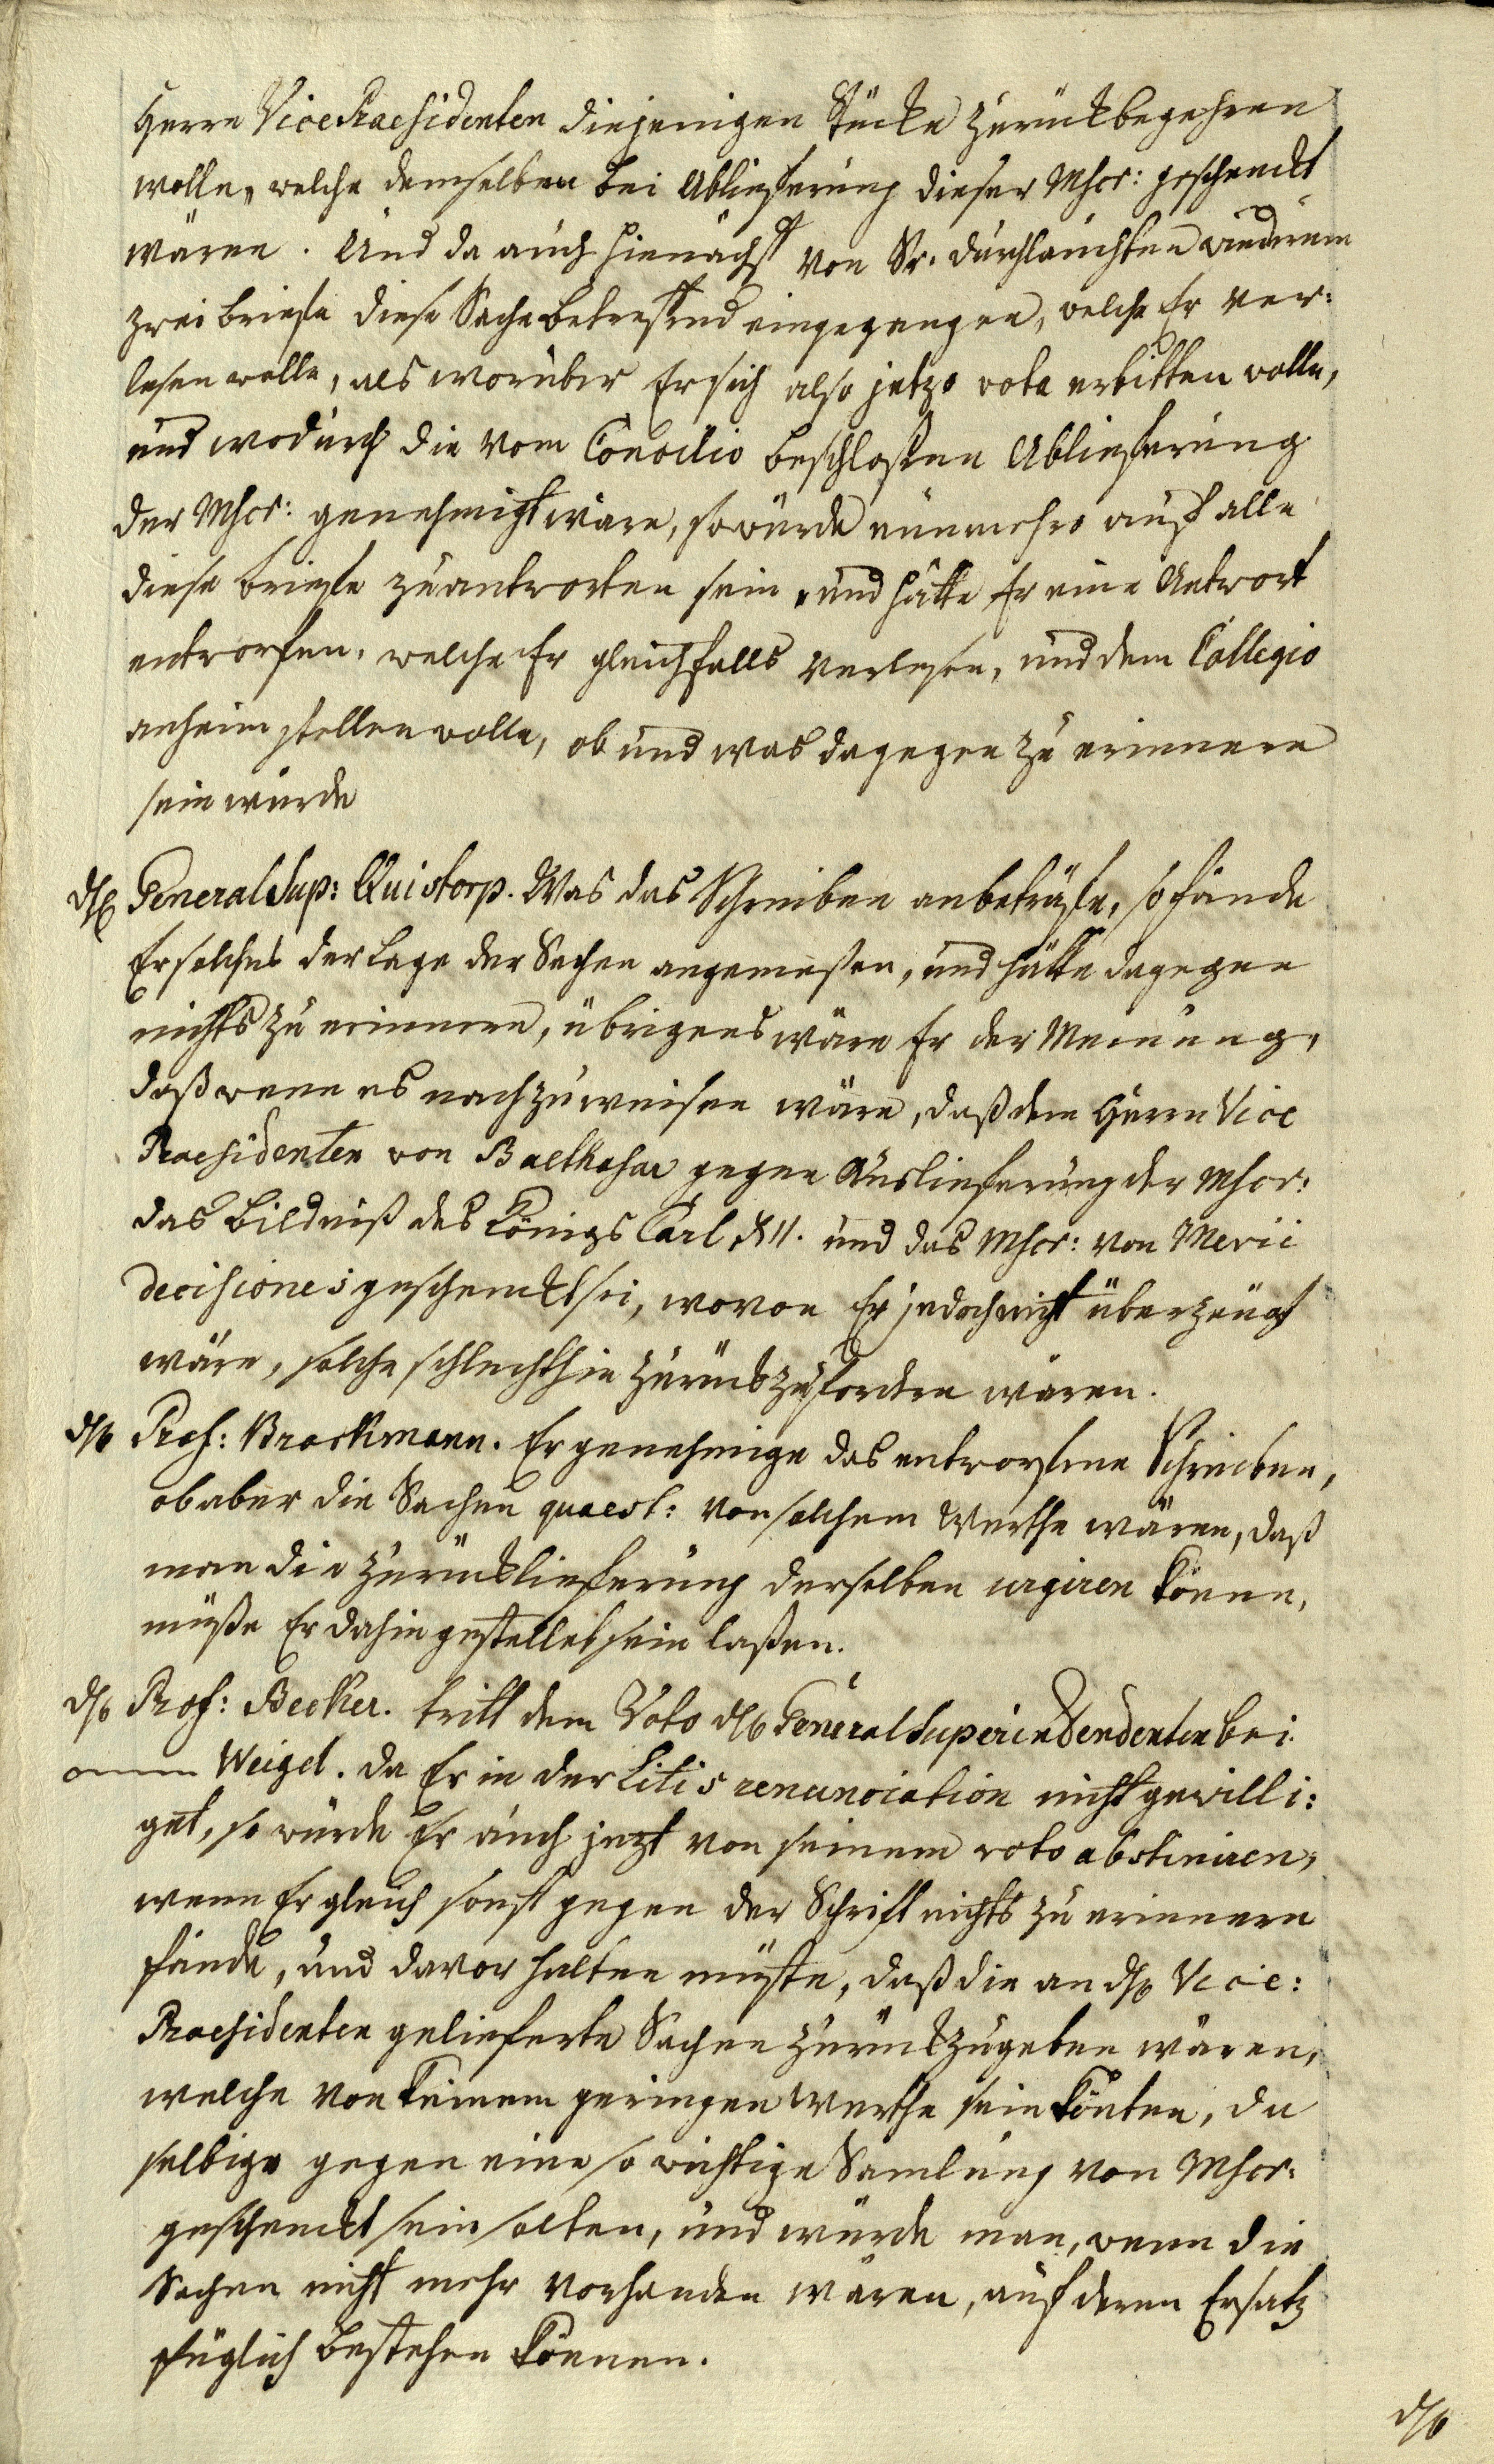Herrn VicePraesidenten diejenigen Stücke zurückbegehren
wolle, welche demselben bei Ablieferung dieser Mscr. geschenckt
wären. Und da auch hienächst von Sr. Durchlauchten wiederum
zwei Briefe diese Sache betreffend eingegangen, welche Er ver¬
lesen wolle, als worüber Er sich also jetzo vota erbitten wolle,
und wodurch die vom Concilio beschloßene Ablieferung
der Mscr. genehmigt wäre, so würde nunmehro auf alle
diese Briefe zu antworten sein, und hätte Er eine Antwort
entworfen, welche Er gleichfalls vorlegte, und dem Collegio
anheim stellen wolte, ob und was dagegen zu erinnern
sein würde.
dh GeneralSup. Quistorp. Was das Schreiben anbeträfe, so fände
Er solches der Lage der Sachen angemesen, und hätte dagegen
nichts zu erinnern, übrigens wäre Er der Meinung,
daß wenn es nachzuweisen wäre, daß dem Herrn Vice
Praesidenten von Balthasar gegen Auslieferung der Mscr.
das Bildniß des Königs Carl XII. und das Mscr. von Mevii
decisiones geschenckt sei, wovon Er jedoch nicht überzeugt
wäre, solche schlechthin zurückzufordern wären.
dh Prof. Brockmann. Er genehmige das entworfene Schreiben,
ob aber die Sachen quaest. von solchem Werthe wären, daß
man die Zurücklieferung derselben urgiren könne,
müße Er dahin gestellet sein laßen.
dh Prof. Becker. tritt dem Voto dh GeneralSuperintendenten bei.
Weigel. da Er in der Litis renunciation nicht gewilli¬
get, so würde Er auch jezt von seinem voto abstiniren,
wenn Er gleich sonst gegen der Schrift nichts zu erinnern
fände, und davor halten müste, daß die an dh Vice¬
Praesidenten gelieferte Sachen zurückzugeben wären,
welche von keinem geringen Werthe sein könten, da
selbige gegen eine so wichtige Samlung von Mscr.
geschenckt sein solten, und würde man, wenn die
Sachen nicht mehr vorhanden wären, auf deren Ersatz
füglich bestehen können.